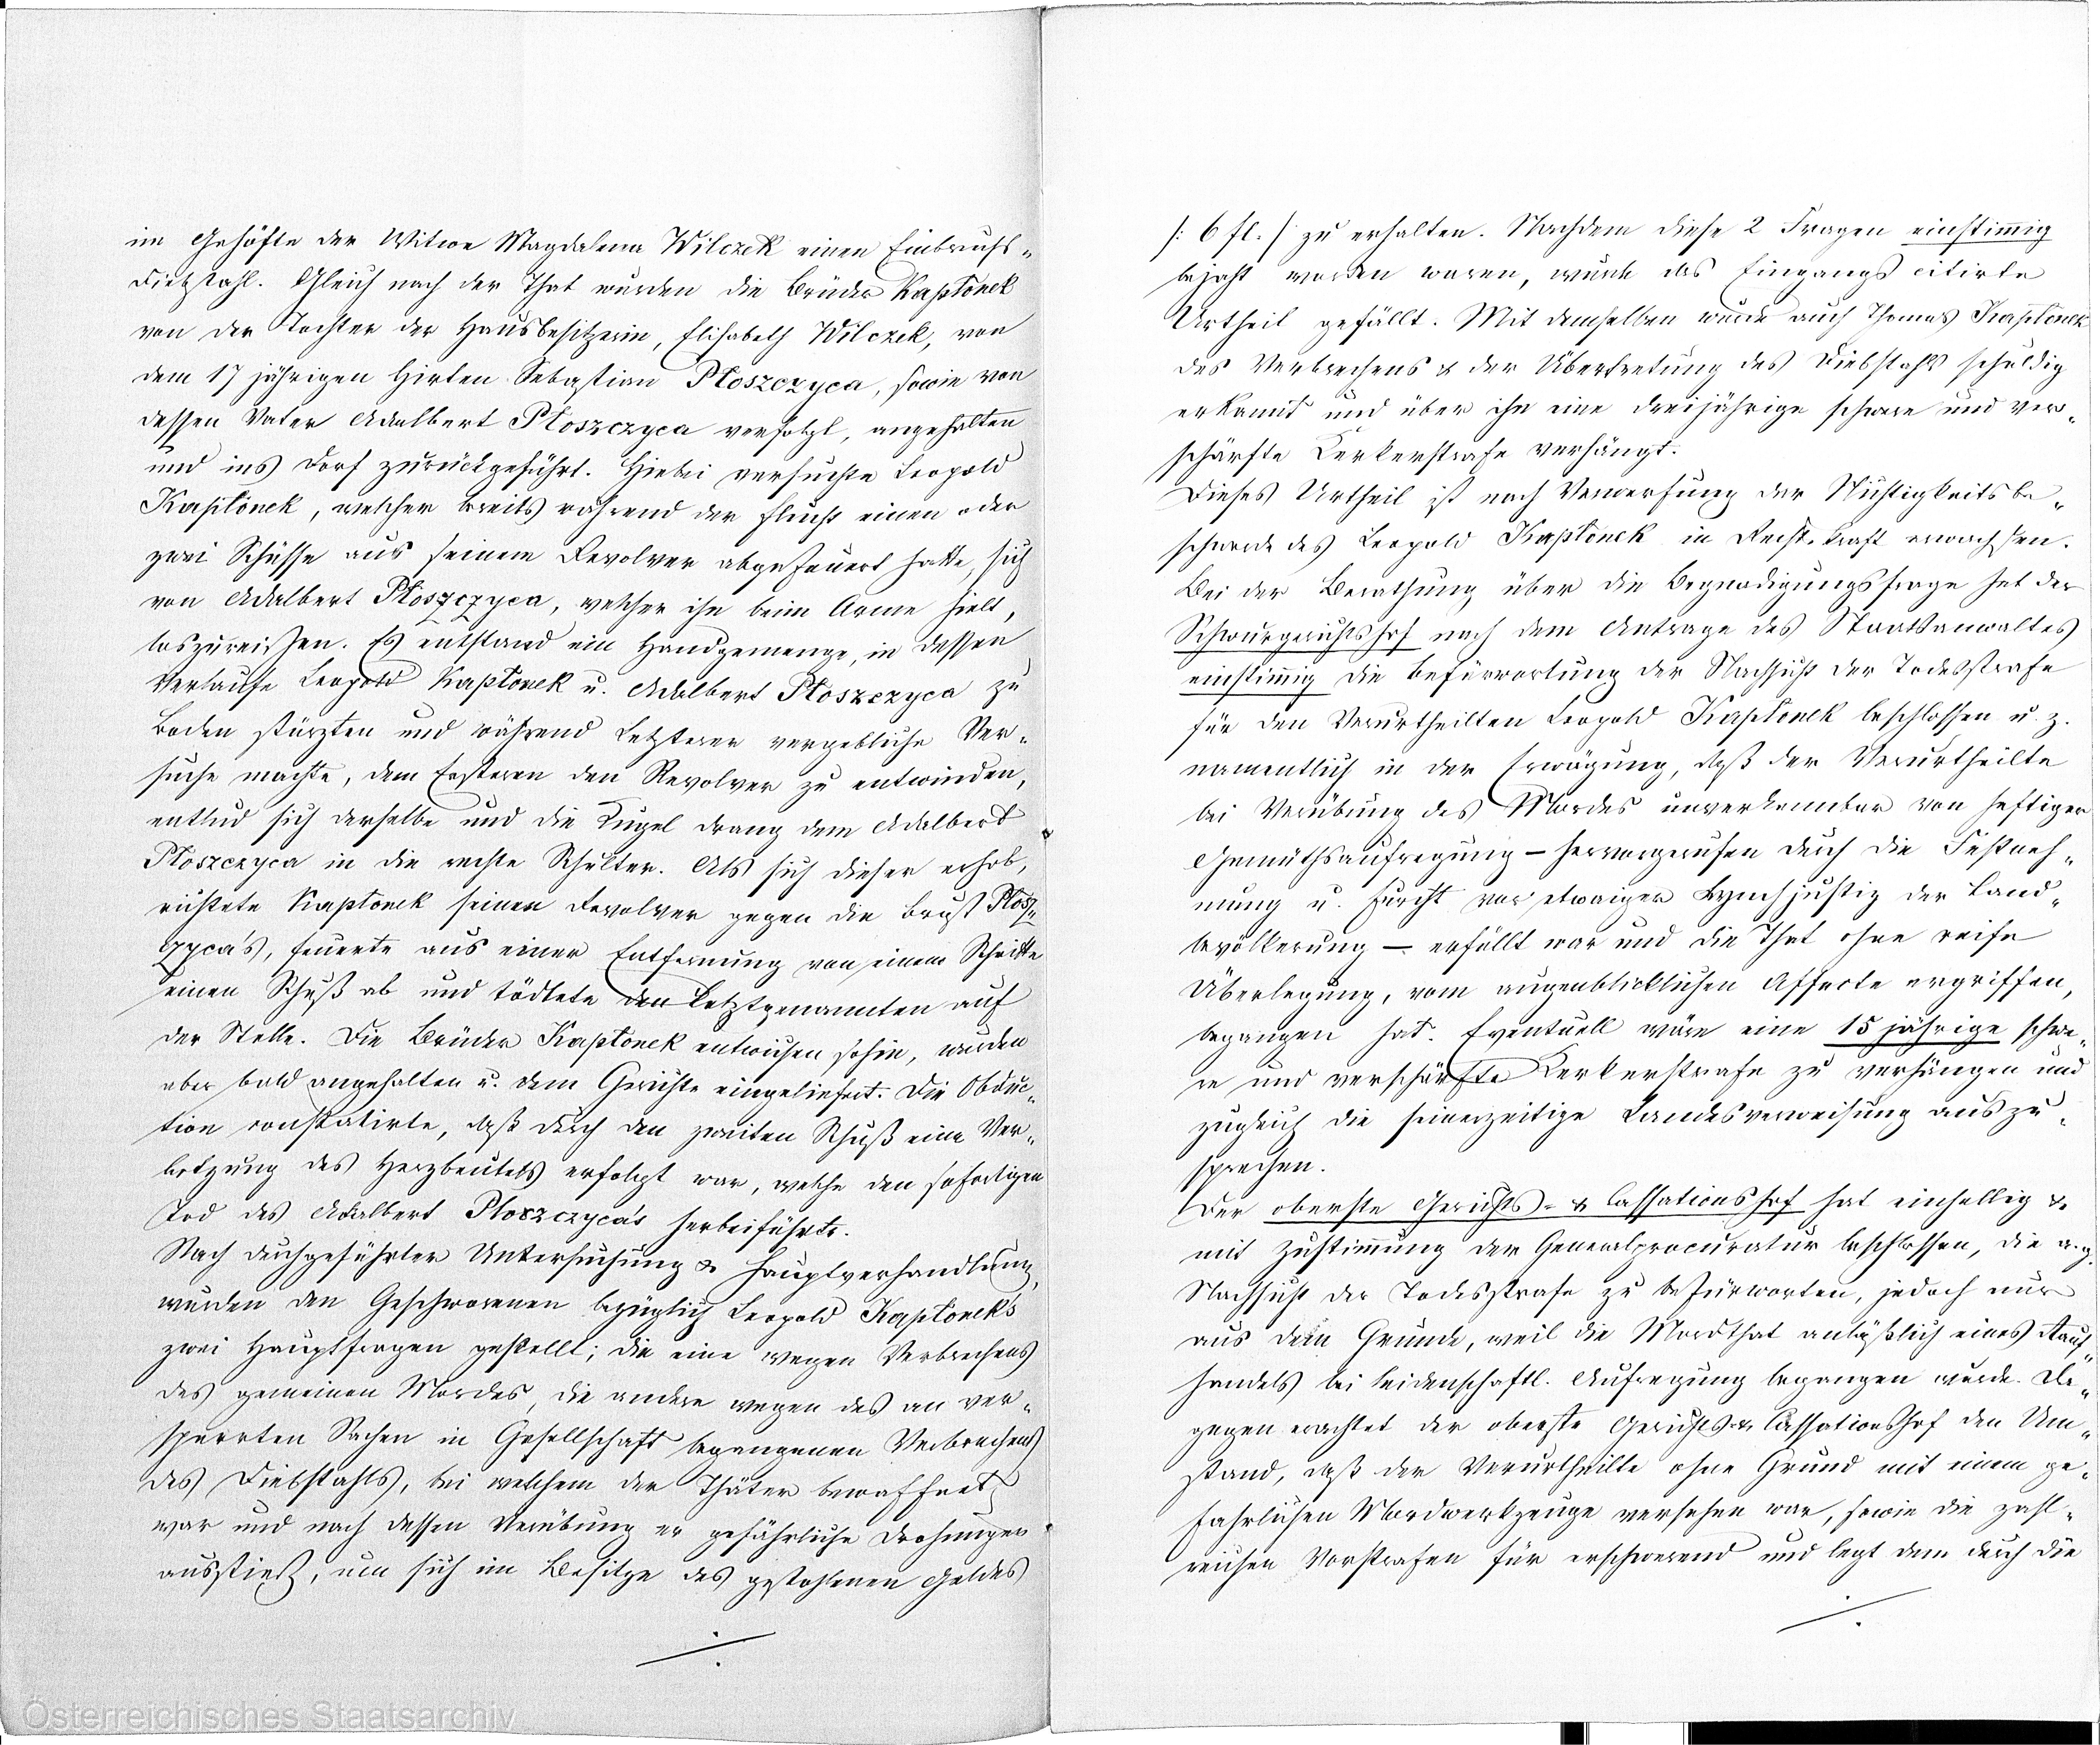im Gehöfte der Witwe Magdalena Wilczek einen Einbruf¬
diebstahl. Gleich nach der That wurden die Brüder Kaptonek
von der Tochter der Hausbesitzerin, Elisabeth Wilczek, von
dem 17 jährigen Hirten Sebastian Płoszczyca, sowie von
dessen Vater Adelbert Płoszczyca verfolgt, angehalten
und ins Dorf zurückgeführt. Hiebei versuchte Leopold
Kaptonek, welcher bereits während der Flucht einen oder
zwei Schüsse aus seinem Devolwer abgefeuert hatte, sich
von Adalbert Płoszczyca, welcher ihn beim Arme hielt,
loszureißen. Es entstand ein Handgemenge, in dessen
verlaufe Leopold Kaptonek u. Adalbert Płoszezyca zu
Boden, stürzten und während Letzterer vergebliche Ver¬
suche machte, dem Ersteren den Revolver zu entwinden,
entlud sich derselbe und die Kugel drang dem Adelbert
Ploszezyca in die rechte Rhulter. Als sich dieser erhob,
eichtete Kaptonek seinen Devolver gegen die Brust Płos¬
zyca's, feuerte aus einer Entfernung von einem Schritte
einen Schuß ab und tödtete den letztgenannten auf
der Stelle. Die Brüder Kaptonek xx sohin, wurden
aber bald Angehalten u. dem Gerichte eingeliefert. Die Obduc¬
tion constatirte, daß durch den zweiten Schuß eine Ver¬
letzung des Herzbeutels erfolgt war, welche den sofortigen
Tod des Adalbert Ploszczycás herbeiführte.
Nach durchgeführter Untersuchung xx. Hauptverhandlung,
wurden den Geschworenen bezüglich Leopold Kaptonek's
zwei Hauptfragen gestellt; die eine wegen Verbrechens
des gemeinen Mordes, die andere wegen des an ver¬
sperrten Sachen in Gesellschaft begangenen Vebrechens
des Diebstahls, bei welchem der Thäter bewaffert
war und nach dessen Verübung er gefährliche Drohungen
ausstieß, um sich im Besitze des gestohlenen Geldes
/:6 fl.:/ zu erhalten. Nachdem diese 2 Fragen einstimmig
bejaht worden waren, wurck des Eingangs citirte
Urtheil gefällt. Mit demselben wurde auch Thomas Kaptonek
des Verbrechens & der Übertretung des Diebstahls schuldig
erkannt und über ihn eine Dreijährige schwere und ver¬
schärfte Kerkerstrafe verhängt.
Dieses Urtheil ist nach Verwerfung der Nustigkeitsbe¬
schwerde des Leopold Kaptonek in Rechtskraft erwachsen.
Bei der Berathung über die Begnadigungsfrage hat der
Schwurgerichtshof nach dem Antrage des Staatsanwaltes
einstimmig die Befürwortung der Nachsicht der Todesstrafe
für den Verurtheilten Leopold Kaptonek beschlossen u. z.
namentlich in der Erwägung, daß der Verurtheilte
bei Verübung des Mordes unverkennbar von heftiger
Gemüthsaufregung - hervorgerufen durch die Festneh¬
mung u. Furcht vor etwaiger Lxxjustiz der Land¬
bevölkerung - erfällt war und die That ohne reife
Überlegung, vom augenblicklichen Affecte ergriffen,
begangen hat. Eventuell wäre eine 15 jährige schwe¬
re und verschürfte Kerkerstrafe zu verhängen und
zugleich die seinezeitige Landesverweisung auszu¬
sprechen.
Der oberste Gerichts - er Cassationshof hat einhellig &
mit Zustimmung der Generalprocuratur leschxxssen, die a. g.
Nachsicht der Todesstrafe zu befürworten, jedoch nur
aus dem Grunde, weil die Mordthat anläßlich eines Aauf¬
handels bei leidenschaftl. Aufregung begangen wurck. Da¬
gegen erachtet der oberste Gerichts- & Cassationshof den Um¬
stand, daß der verurtheilte ohne Grund mit einem ge¬
fahrlxxsen Mordwerkzeuge versehen vor, sowie die zahl¬
reichen Vorstrafen für erschwerend und legt den durch die